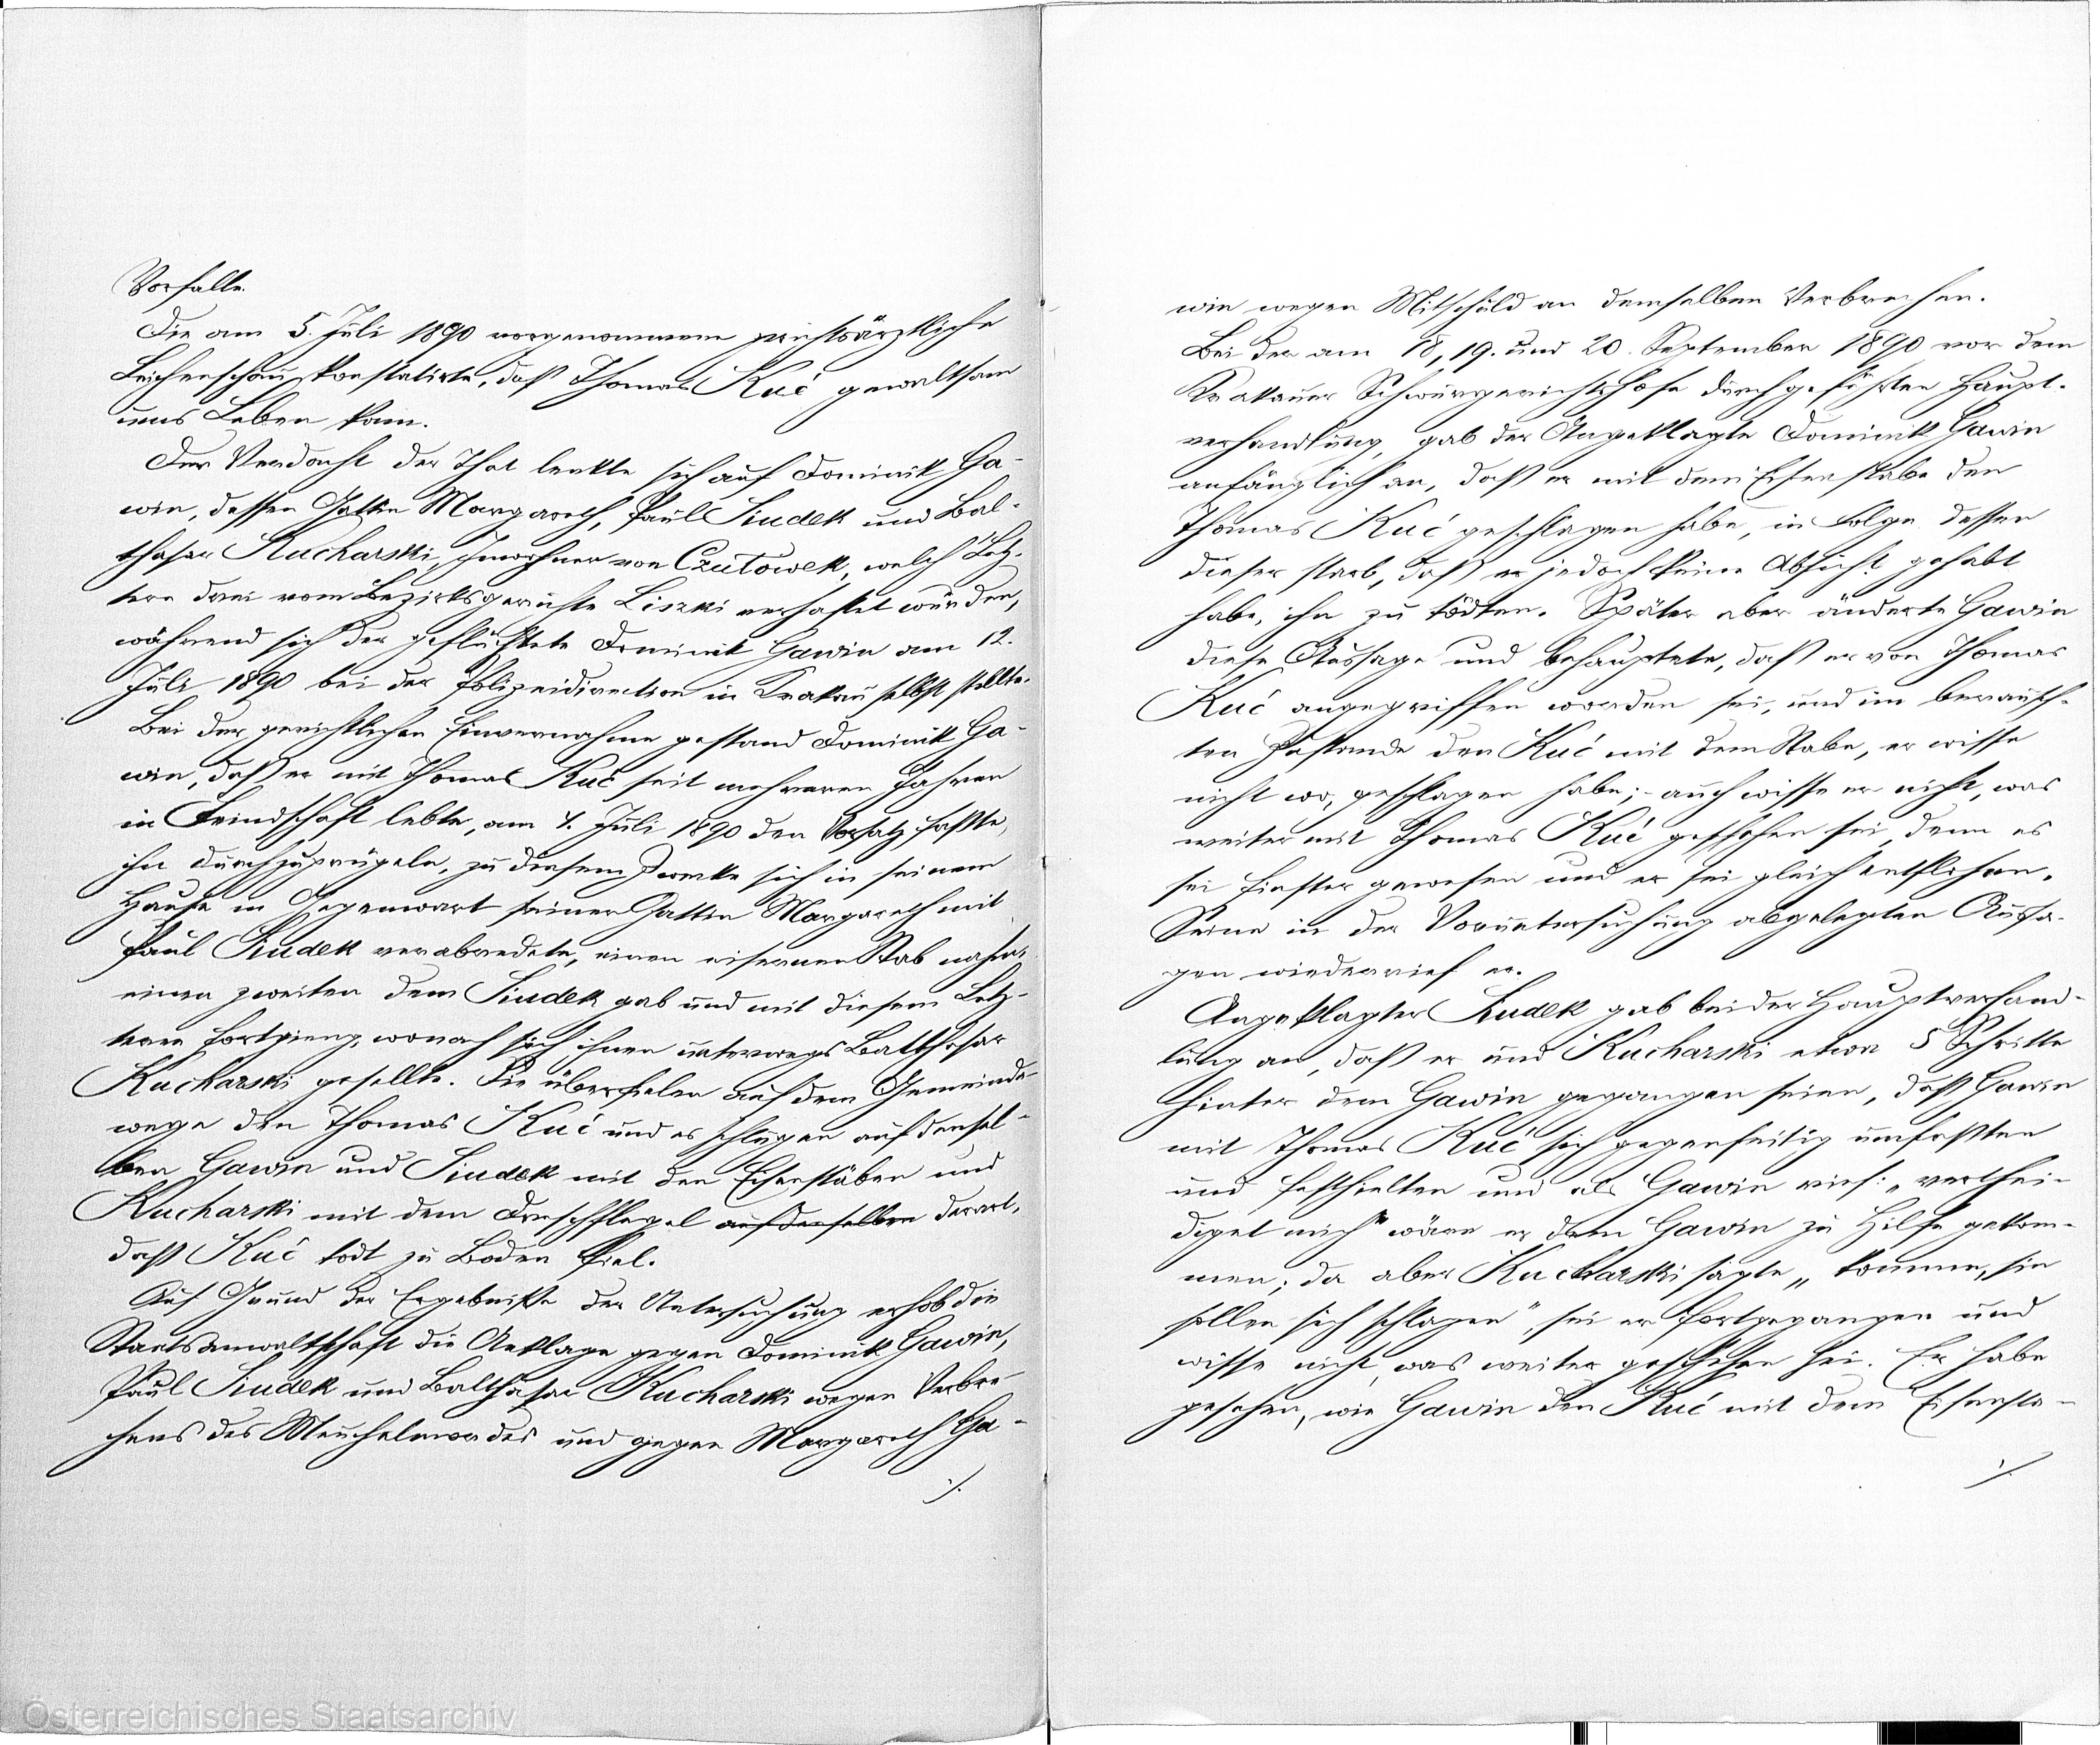Vorfalle.
Die am 5. Juli 1890 vorgenommenen gerichtsärztliche
Leichenschau konstatirte, daß Thomas Kuć gewaltsam
ums Leben kam.
Der Verdacht der That lenkte sich auf Dominik Ga¬
win, dessen Gattin Margareth, Paul Sindek und Bal¬
thaser Kucharski, Jewohner von Czułowek, welch Letz¬
tere drei vom Bezirksgerichte Liszki verhaftet wurden,
während sich der geflüchtete Dominik Gawin am 12.
Juli 1890 bei der Polizeigdirection in Krakau selbst stellte.
Bei der gerichtlichen Einvernehmung gestand Dominik Ga¬
win, daß er mit Thomas Kuć seit mehreren Jahren
in Feindschaft lebte, am 4. Juli 1890 den Vorsatz faßte,
ihn durchzuprügeln, zu diesem Zwecke sich in seinem
Hause in Gegenwart seiner Gattin Margareth mit
Paul Sindek verabredete, einen eisernen Stab nahm,
einen zweiten dem Sindek gab und mit diesem Letz¬
teren fortging, wonach sich ihnen unterwegs Balthasar
Kucharksi gesellte. Sie überfielen auf dem Gemeinde¬
wege den Thomas Kuć und es schlugen auf densel¬
ben Gawin und Sindek mit den Eisenstäber und
Kucharski mit dem Dreschflegel derart,
daß Kuć todt zu Boden fiel.
Auf Grund der Ergebniße der Untersuchung erhob die
Staatsanwaltschaft die Anklage gegen Dominik Gawin,
Paul Sindek und Balthasar Kucharski wegen Verbre¬
chens des Meuchelmordes und gegen Margareth Ga¬
win wegen Mitschuld an demselben Verbrechen.
Bei der am 18, 19, und 20 September 1890 vor dem
Krakauer Schwurgerichtshofe durchgeführten Haupt¬
verhandlung, gab der Angeklagte Dominik Gawin
anfänglich an, daß er mit dem Eisenstab den
Thomas Kuć geschlagen habe, in Folge dessen
dieser starb, daß er jedoch keinen Absicht gehabt
habe, ihn zu tödten. Später aber änderte Gawin
diese Aussage und behauptete, daß er von Thomas
Kuć angegriffen worden sei, und im berausch¬
ten Zustande den Kuć mit dem Stabe, er wisse
nicht wo, geschlagen habe; auch wisse er nicht, was
weiter mit Thomas Kuć geschehen sei, denn es
sei finster gewesen und er sei gleich entflohen.
Seine in der Voruntersuchung abgelegten Aussa¬
gen wiederrieft er.
Angeklagter Sindek gab bei der Hauptverhand¬
lung an, daß er und Kucharski etwa 5 Schritte
hinter dem Gawin gegangen seien, daß Gawin
mit Thomas Kuć sich gegenseitig umfaßten
und festhielten und als Gawin rief „verthei¬
diget mich“ wäre er dem Gawin zu Hilfe gekom¬
men; da aber Kucharski sagte „Komme, sie
sollen sich schlagen,“ sei er fortgegangen und
wisse nicht, was weiter geschehen sei. Er habe
gesehen, wie Gawin den Kuć mit dem Eisensta¬